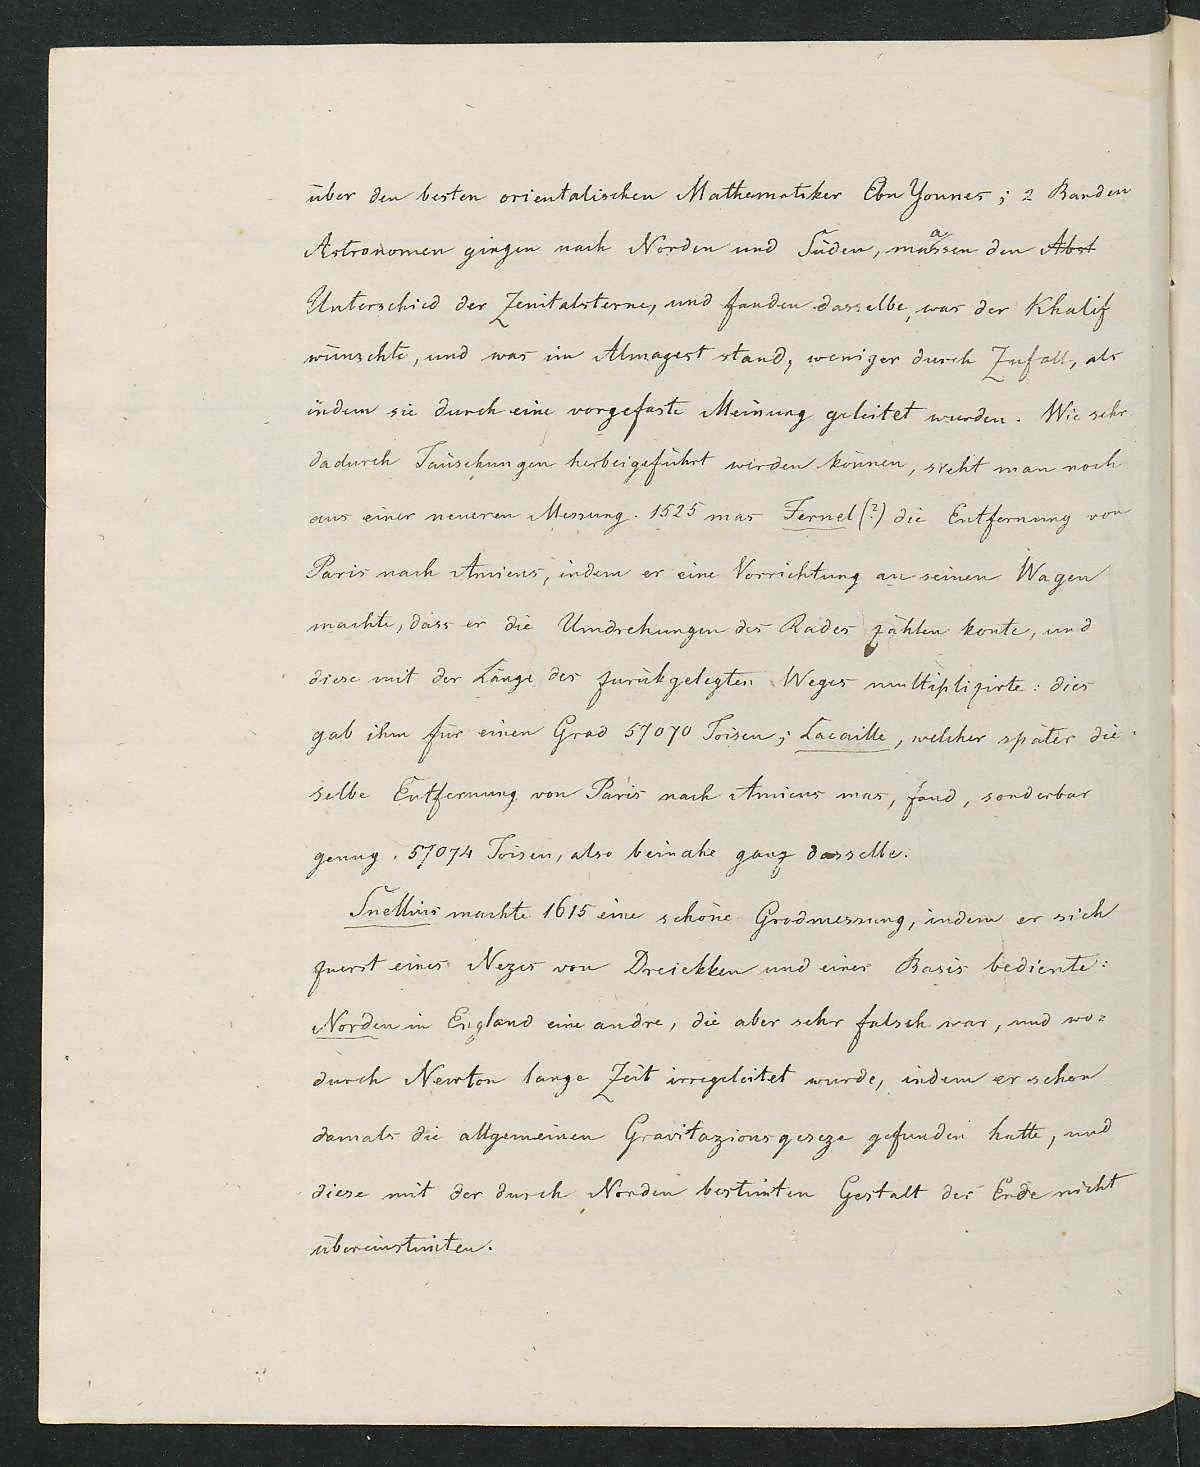über den besten orientalischen Mathematiker Ebn Younes; 2 Banden
Astronomen gingen nach Norden und Süden, maassen den Abst
Unterschied der Zenitalsterne, und fanden dasselbe, was der Khalif
wünschte, und was im Almagest stand, weniger durch Zufall, als
indem sie durch eine vorgefaste Meinung geleitet wurden. Wie sehr
dadurch Täuschungen herbeigeführt werden können, sieht man noch
aus einer neueren Messung. 1525 mas Fernel die Entfernung von
Paris nach Amiens, indem er eine Vorrichtung an seinen Wagen
machte, dass er die Umdrehungen des Rades zählen konte, und
diese mit der Länge des zurükgelegten Weges multiplizirte: dies
gab ihm für einen Grad 57070 Toisen; Lacaille, welcher später die-
selbe Entfernung von Paris nach Amiens mas, fand, sonderbar
genug, 57074 Toisen, also beinahe ganz dasselbe.
Snellius machte 1615 eine schöne Gradmessung, indem er sich
zuerst eines Nezes von Dreiekken und einer Basis bediente:
Norden in England eine andre, die aber sehr falsch war, und wo-
durch Newton lange Zeit irregeleitet wurde, indem er schon
damals die allgemeinen Gravitazionsgeseze gefunden hatte, und
diese mit der durch Norden bestimten Gestalt der Erde nicht
übereinstimten.